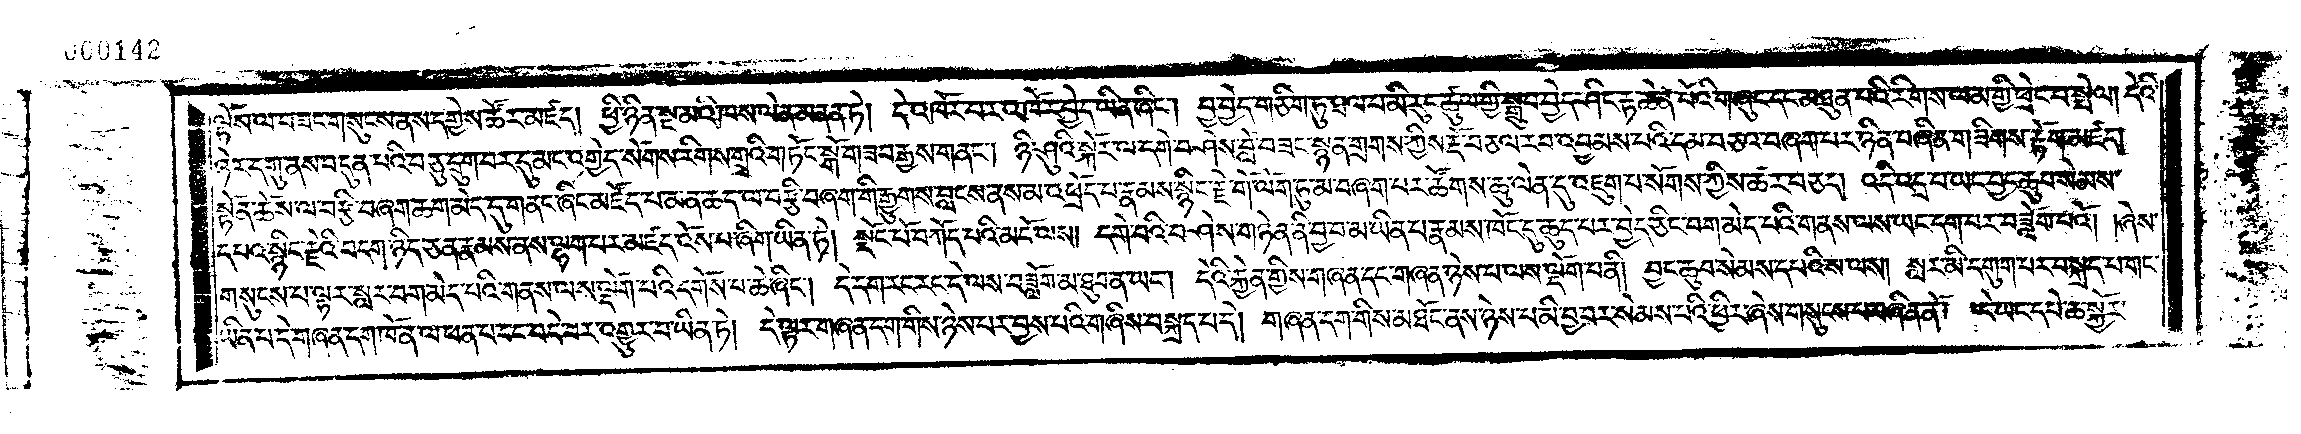ལྟོས་ལ་བཟང་གསུངས་ནས་དགྱེས་ཚོར་མཛད། ཕྱི་ཉིན་སྔ་མའི་ཁས་ལེན་མནན་ཏེ། དེ་འཁོར་བར་འཁོར་བྱེད་ཡིན་ཞིང་། བྱ་བྱེད་གཅིག་ཏུ་ཐལ་པ་མི་རུང་ཚུལ་གྱི་སྒྲུབ་བྱེད་ཤིང་རྟ་ཆེན་པོའི་གཞུང་དང་མཐུན་པའི་རིགས་ལམ་གྱི་ཕྲེང་བ་སྤེལ། དེའི་
ཉེར་དགུ་ནས་བདུན་པའི་བཅུ་དྲུག་བར་དུ་མང་འགྱེད་སོགས་རིགས་གྲྭའི་གཏོང་སྒོ་གཟབ་རྒྱས་གནང་། ཉི་ཤུའི་སྐོར་ལ་དགེ་བཤེས་བློ་བཟང་སྙན་གྲགས་ཀྱིས་རྡོ་བཅལ་རབ་འབྱམས་པའི་དམ་བཅའ་བཞག་པར་ཉིན་བཞིན་གཟིགས་རྟོག་མཛད།
སྟོན་ཆོས་ལ་བརྩི་བཞག་ཆག་མེད་དུ་གནང་ཞིང་མཛོད་པ་མན་ཆད་ལ་བརྩི་བཞག་གི་རྒྱུགས་བླངས་ནས་མ་འཕྲོད་པ་རྣམས་སྙིང་རྗེ་གོ་ལོག་ཏུ་མ་བཞག་པར་ཚོགས་ཆུ་ལེན་དུ་འཇུག་པ་སོགས་ཀྱིས་ཚར་བཅད། འདི་འདྲ་བ་ཡང་བྱང་ཆུབ་སེམས་
དཔའ་སྙིང་རྗེའི་བདག་ཉིད་ཅན་རྣམས་ནས་ལྷག་པར་མཛད་འོས་པ་ཞིག་ཡིན་ཏེ། སྡོང་པོ་བཀོད་པའི་མདོ་ལས། དགེ་བའི་བཤེས་གཉེན་ནི་བྱ་བ་མ་ཡིན་པ་རྣམས་ཁོང་དུ་ཆུད་པར་བྱེད་ཅིང་བག་མེད་པའི་གནས་ལས་ཡང་དག་པར་བཟློག་པའོ། །ཞེས་
གསུངས་པ་ལྟར་སླར་བག་མེད་པའི་གནས་ལས་ལྡོག་པའི་དགོས་པ་ཆེ་ཞིང་། དེ་དག་རང་རང་དེ་ལས་བཟློག་མ་ཐུབ་ན་ཡང་། དེའི་རྐྱེན་གྱིས་གཞན་དང་གཞན་ཉེས་པ་ལས་ལྡོག་པ་ནི། བྱང་ཆུབ་སེམས་དཔའི་ས་ལས། སླར་མི་དགུག་པར་བསྐྲད་པ་ཤང་
ཡིན་པ་དེ་གཞན་དག་ཁོ་ན་ལ་ཕན་པ་དང་བདེ་བར་འགྱུར་བ་ཡིན་ཏེ། དེ་ལྟར་གཞན་དག་གིས་ཉེས་པར་བྱས་པའི་གཞིས་བསྐྲད་པ་དེ། གཞན་དག་གིས་མཐོང་ནས་ཉེས་པ་མི་བྱ་བར་སེམས་པའི་ཕྱིར་ཞེས་གསུངས་པ་བཞིན་ནོ། །དེ་ཡང་དཔེ་ཆ་སྐྱོར་